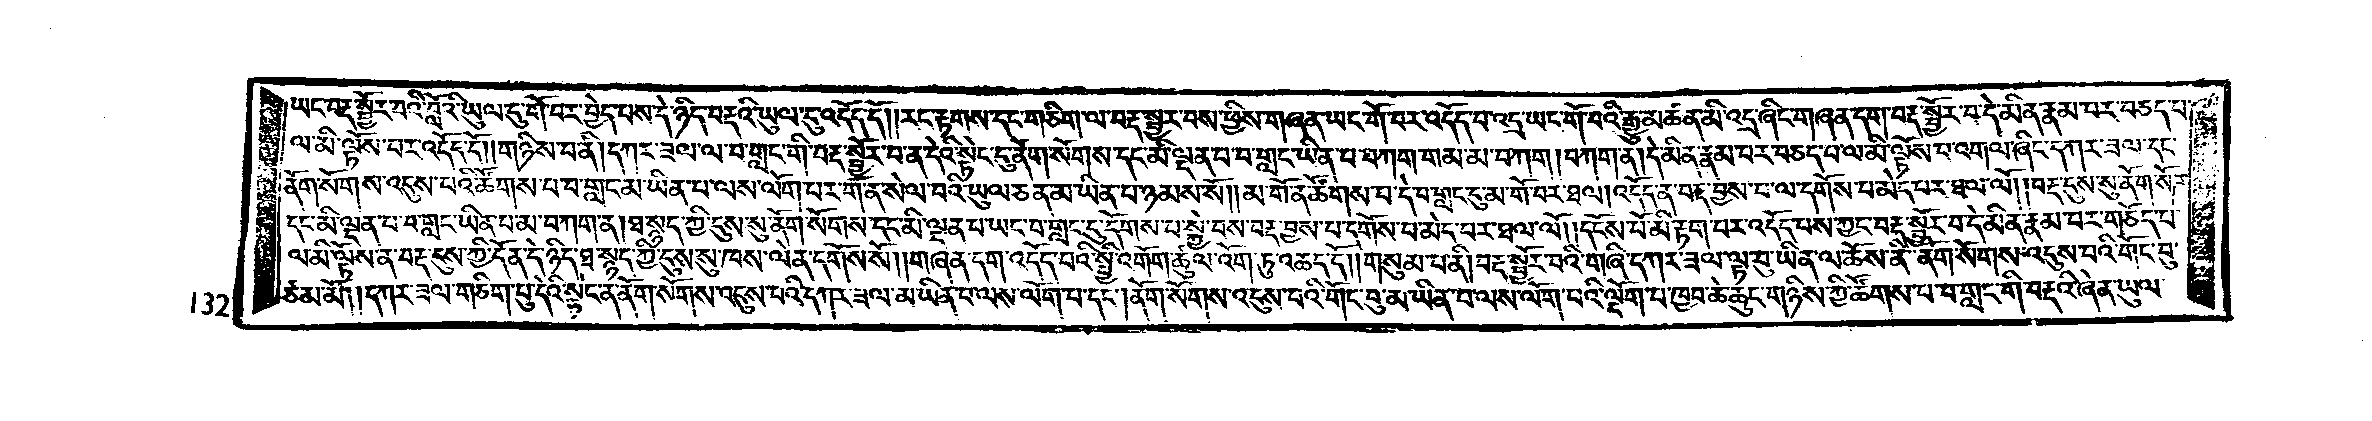ཡང་བརྡ་སྦྱོར་བའི་བློའི་ཡུལ་དུ་གོ་བར་བྱེད་པས་དེ་ཉིད་བརྡའི་ཡུལ་དུ་འདོད་དོ། །རང་རྟགས་དང་གཅིག་ལ་བརྡ་སྦྱར་བས་ཕྱིས་གཞན་ཡང་གོ་བར་འདོད་པ་འདྲ་ཡང་གོ་བའི་རྒྱུ་མཚན་མི་འདྲ་ཞིང་གཞན་དག་བརྡ་སྦྱོར་བ་དེ་མིན་རྣམ་པར་བཅད་པ་
ལ་མི་ལྟོས་པར་འདོད་དོ། །གཉིས་པ་ནི། དཀར་ཟལ་ལ་བ་གླང་གི་བརྡ་སྦྱོར་བ་ན་དེའི་སྟེང་དུ་ནོག་སོགས་དང་མི་ལྡན་པ་བ་གླང་ཡིན་པ་བཀག་གམ་མ་བཀག །བཀག་ན། དེ་མིན་རྣམ་པར་བཅད་པ་ལ་མི་ལྟོས་པ་འགལ་ཞིང་དཀར་ཟལ་དང་
ནོག་སོགས་འདུས་པའི་ཚོགས་པ་བ་གླང་མ་ཡིན་པ་ལས་ལོག་པར་གོ་ན་སེལ་བའི་ཡུལ་ཅན་མ་ཡིན་པ་ཉམས་སོ། །མ་གོ་ན་ཚོགས་པ་དེ་བ་གླང་དུ་མ་གོ་བར་ཐལ། འདོད་ན་བརྡ་བྱས་པ་ལ་དགོས་པ་མེད་པར་ཐལ་ལོ། །བརྡ་དུས་སུ་ནོག་སོཌ་
དང་མི་ལྡན་པ་བ་གླང་ཡིན་པ་མ་བཀག་ན། ཐ་སྙད་ཀྱི་དུས་སུ་ནོག་སོགས་དང་མི་ལྡན་པ་ཡང་བ་གླང་དུ་དོགས་པ་སྐྱེ་བས་བརྡ་བྱས་པ་དགོས་པ་མེད་པར་ཐལ་ལོ། །དངོས་པོ་མི་རྟག་པར་འདོད་པས་ཀྱང་བརྡ་སྦྱོར་བ་དེ་མིན་རྣམ་པར་གཅོད་པ་
ལ་མི་ལྟོས་ན་བརྡ་དུས་ཀྱི་དོན་དེ་ཉིད་ཐ་སྙད་ཀྱི་དུས་སུ་ཁས་ལེན་དགོས་སོ། །གཞན་དག་འདོད་པའི་སྤྱི་འགོག་ཚུལ་འོག་ཏུ་འཆད་དོ། །གསུམ་པ་ནི། བརྡ་སྦྱོར་བའི་གཞི་དཀར་ཟལ་ལྟ་བུ་ཡིན་ལ་ཆོས་ནི་ནོག་སོགས་འདུས་པའི་གོང་བུ་
ཙམ་མོ། །དཀར་ཟལ་གཅིག་པུ་དེའི་སྟེང་ན་ནོག་སོགས་འདུས་པའི་དཀར་ཟལ་མ་ཡིན་པ་ལས་ལོག་པ་དང་། ནོག་སོགས་འདུས་པའི་གོང་བུ་མ་ཡིན་པ་ལས་ལོག་པའི་ལྡོག་པ་ཁྱབ་ཆེ་ཆུང་གཉིས་ཀྱི་ཚོགས་པ་བ་གླང་གི་བརྡའི་ཞེན་ཡུལ་